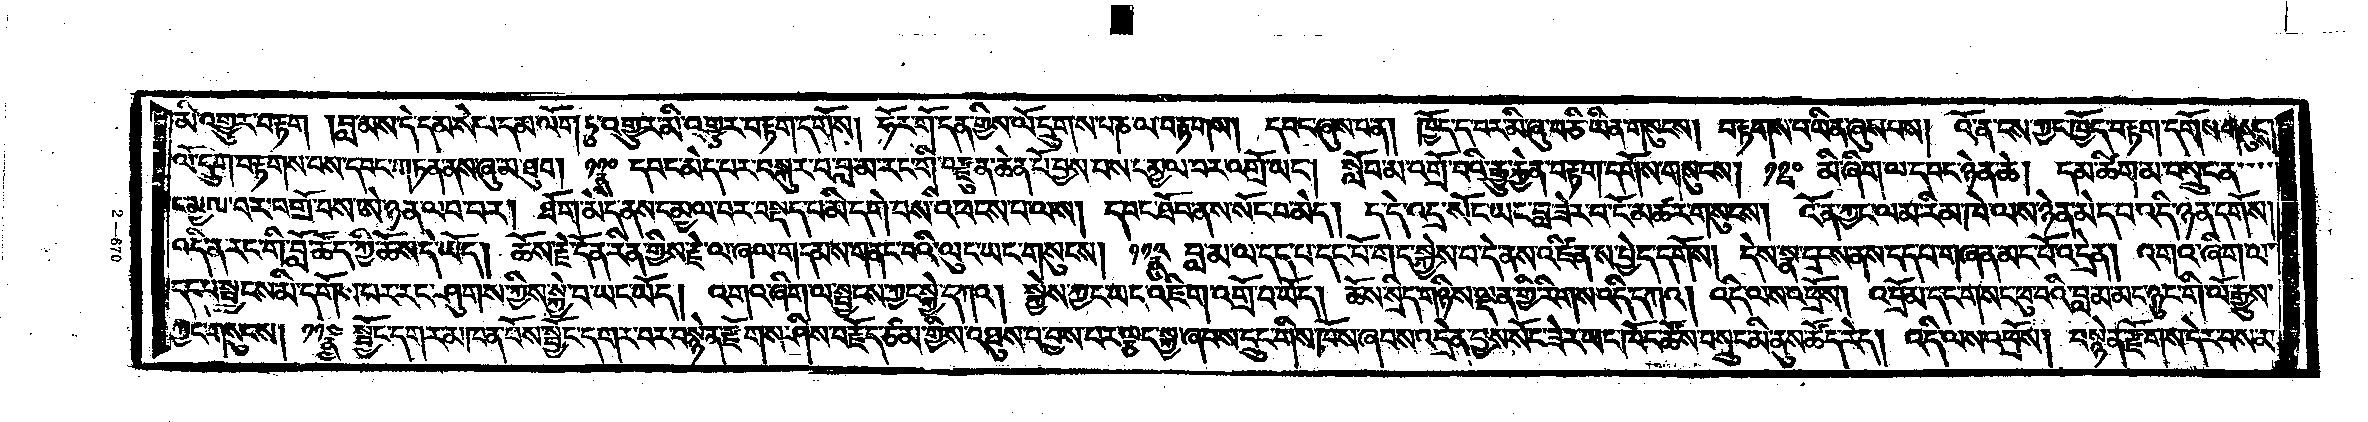མི་འགྱུར་བརྟག །བླ་མས་དེ་དམ་སེ་པད་མ་ལོག་ཏུ་འགྱུར་མི་འགྱུར་བརྟག་དགོས། ཧོར་གོ་དན་གྱིས་ལོ་དྲུག་ས་པཎ་ལ་བརྟགས། དབང་ཞུས་པ་ན། ཁྱོད་ད་བར་མི་ཞུ་བ་ཅི་ཡིན་གསུངས། བརྟགས་པ་ཡིན་ཞུགས་པས། འོ་ན་ངས་ཀྱང་ཁྱོད་བརྟག་དགོས་གསུངས།
ལོ་དྲུག་བརྟགས་བས་དབང་གཏན་ནས་ཞུམ་ཐུབ། ༡༡༠ན༢་དབང་མེད་པར་བསྐུར་བ་བླ་མ་རང་གི་བརྫུན་ཆེན་པོ་བྱས་པས་དམྱལ་བར་འགྲོ་ཡང་། སློབ་མ་འགྲོ་བའི་རྒྱུ་རྐྱེན་བརྟག་དགོས་གསུངས། ༡༡༠བ་མི་ཞིག་ལ་དབང་ཉེན་ཆེ། དམ་ཚིག་མ་བསྲུང་ན་
དམྱལ་བར་འགྲོ་བས་ཨེ་ཉན་ལབ་བར། ཐོག་མེད་ནས་དམྱལ་བར་བསྡད་པ་མི་དགེ་བས་འཕངས་པ་ལས། དབང་ཐོབ་ནས་སོང་བ་མེད། ད་དེ་འདྲ་སོང་ཡང་བླ་ཟེར་བ་ངོ་མཚར་གསུངས། འོན་ཀྱང་ལམ་རིམ་ཁེ་ལས་ཉེན་མེད་པ་འདི་ཉན་དགོས།
འདི་ན་རང་གི་བློ་ཚོད་ཀྱི་ཆོས་དེ་ཡོད། ཆོས་རྗེ་དོན་རིན་གྱིས་རྗེ་ལ་ཞལ་གདམས་གནང་བའི་ལུང་ཡང་གསུངས། ༡༡༢ན༦་བླ་མ་ལ་དད་པ་དང་པོ་གང་སྐྱེས་བ་དེ་ནས་འཛིན་ས་བྱེད་དགོས་དེས་སྣ་དྲངས་ནས་དད་པ་གཞན་མང་པོ་འདྲེན། འགའ་ཞིག་ལ་
དད་པ་སྦྱངས་མི་དགོས་པར་རང་ཤུགས་ཀྱིས་སྐྱེ་བ་ཡང་ཡོད། འགའ་ཞིག་ལ་སྦྱངས་ཀྱང་སྐྱེ་དཀའ། སྐྱེས་ཀྱང་ཡང་འཇིག་འགྲོ་བ་ཡོད། ཆོས་སྲིད་གཉིས་ལྡན་གྱི་རིགས་འདི་དཀའ། འདི་ལས་འཕྲོས། འབྲོམ་དང་གསང་ཕུ་བའི་བླ་མ་མང་ཉུང་གི་ལོ་རྒྱུས་
ཀྱང་གསུངས། ༡༡༤ན༤་སྦྱོང་དགར་མཁན་པོས་སྦྱོང་དགར་བར་བསྙེན་རྫོགས་ཤིས་བརྗོད་ཙམ་གྱིས་འཐུས་བ་བྱས་པར་ལྕང་སྐྱ་ཞབས་དྲུང་གིས་ཁོས་ཞབས་འདྲེན་བྱས་སོང་ཟེར་ཡང་ཁོང་ཚོས་བསྲུང་མི་ནུས་ཚོད་རེད། འདི་ལས་འཕྲོས། བསྙེན་རྫོགས་དེར་བསམ་